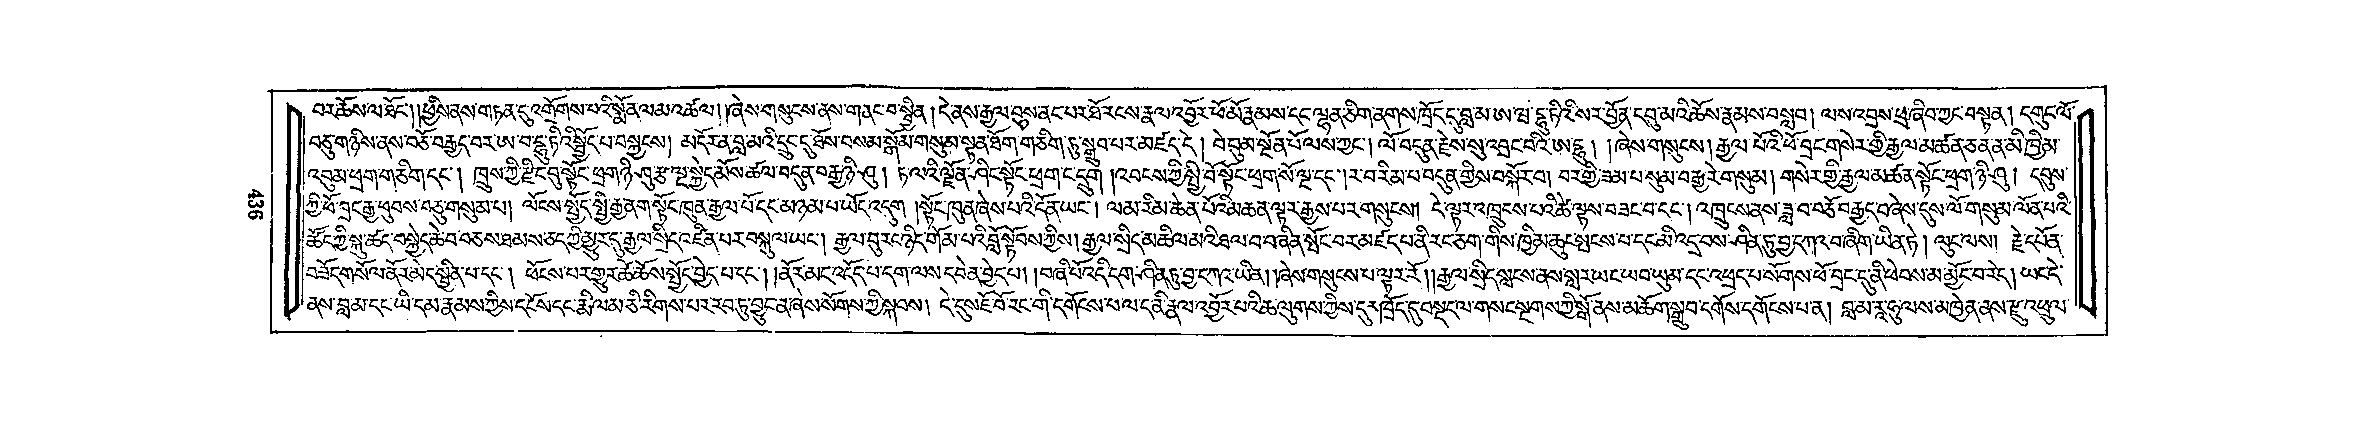བར་ཆོས་ལ་ཐོང་། །ཕྱིས་ནས་གཏན་དུ་འགྲོགས་པའི་སྨོན་ལམ་འཚལ། །ཞེས་གསུངས་ནས་གནང་བ་སྦྱིན། དེ་ནས་རྒྱལ་བུས་ནང་པར་ཐོ་རངས་རྣལ་འབྱོར་ཕོ་མོ་རྣམས་དང་ལྷན་ཅིག་ནགས་ཁྲོད་དུ་བླ་མ་ཨ་ཝ་དྷུ་ཏིའི་སར་བྱོན་དབུ་མའི་ཆོས་རྣམས་བསླབ། ལས་འབྲས་ཕྲ་ཞིབ་ཀྱང་བསྟན། དགུང་ལོ་
བཅུ་གཉིས་ནས་བཅོ་བརྒྱད་བར་ཨ་བ་དྷུ་ཏིའི་སྤྱོད་པ་བསྐྱངས། མདོར་ན་བླ་མའི་དྲུང་དུ་ཐོས་བསམ་སྒོམ་གསུམ་སྟན་ཐོག་གཅིག་ཏུ་སྒྲུབ་པར་མཛད་དེ། བེ་བུམ་སྔོན་པོ་ལས་ཀྱང་། ལོ་བདུན་རྗེས་སུ་འབྲང་བའི་ཨ་དྷུ། །ཞེས་གསུངས། རྒྱལ་པོའི་ཕོ་བྲང་གསེར་གྱི་རྒྱལ་མཚན་ཅན་ན་མི་ཁྱིམ་
འབུམ་ཕྲག་གཅིག་དང་། ཁྲུས་ཀྱི་རྫིང་བུ་སྟོང་ཕྲག་ཉི་ཤུ་རྩ་ལྔ་སྐྱེད་མོས་ཚལ་བདུན་བརྒྱ་ཉི་ཤུ། ཏ་ལའི་ལྗོན་ཤིང་སྟོང་ཕྲག་ང་དྲུག །འབངས་ཀྱི་སྤྱི་བོ་སྟོང་ཕྲག་སོ་ལྔ་དང་། ར་བ་རིམ་པ་བདུན་གྱིས་བསྐོར་བ། བར་གྱི་ཟམ་པ་སུམ་བརྒྱ་རེ་གསུམ། གསེར་གྱི་རྒྱལ་མཚན་སྟོང་ཕྲག་ཉི་ཤུ། དབུས་
ཀྱི་ཕོ་བྲང་རྒྱ་ཕུབས་བཅུ་གསུམ་པ། ལོངས་སྤྱོད་སྤྱི་རྒྱ་ནག་སྟོང་ཁུན་རྒྱལ་པོ་དང་མཉམ་པ་ཡོད་འདུག །སྟོང་ཁུན་ཞེས་པའི་དོན་ཡང་། ལམ་རིམ་ཆེན་པོའི་མཆན་ལྟར་རྒྱས་པར་གསུངས། དེ་ལྟར་འཁྲུངས་པའི་ཚེ་ལྟས་བཟང་བ་དང་། འཁྲུངས་ནས་ཟླ་བ་བཅོ་བརྒྱད་བཞེས་དུས་ལོ་གསུམ་ལོན་པའི་
ཚོད་ཀྱི་སྐུ་ཚད་བསྐྱེད་ཆེ་བ་བཅས་ཐམས་ཅད་ཀྱི་མྱུར་དུ་རྒྱལ་སྲིད་འཛིན་པར་བསྐུལ་ཡང་། རྒྱལ་བུ་རང་ཉིད་གོམ་པའི་བློ་སྟོབས་ཀྱིས། རྒྱལ་སྲིད་མཆིལ་མའི་ཐལ་བ་བཞིན་སྤོང་བར་མཛད་པ་ནི་རང་ཅག་གིས་ཁྱིམ་ཆུང་སྤངས་པ་དང་མི་འདྲ་བས་ཤིན་ཏུ་བྱ་དཀའ་བ་ཞིག་ཡིན་ཏེ། ལུང་ལས། རྗེ་དཔོན་
བཟོད་གསོལ་ནོར་མེད་སྦྱིན་པ་དང་། ཕོངས་པར་གྱུར་ཚེ་ཆོས་སྤྱོད་བྱེད་པ་དང་། །ནོར་མང་འདོད་པ་དག་ལས་དབེན་བྱེད་པ། །བཞི་པོ་འདི་དག་ཤིན་ཏུ་བྱ་དཀའ་ཡིན། །ཞེས་གསུངས་པ་ལྟར་རོ། །རྒྱལ་སྲིད་སླངས་ནས་སླར་ཡང་ཡབ་ཡུམ་དང་འཕྲད་པ་སོགས་ཕོ་བྲང་དུ་ནི་ཕེབས་མ་མྱོང་བ་རེད། ཡང་དེ་
ནས་བླ་མ་དང་ཡི་དམ་རྣམས་ཀྱིས་དངོས་དང་རྨི་ལམ་ཅི་རིགས་པར་རབ་ཏུ་བྱུང་ན་ཞེས་སོགས་ཀྱི་སྐབས། དེ་དུས་ཇོ་བོ་རང་གི་དགོངས་པ་ལ་ད་ནི་རྣལ་འབྱོར་པའི་ཆ་ལུགས་ཀྱིས་དུར་ཁྲོད་དུ་བསད་ལ་གསང་སྔགས་ཀྱི་སྒོ་ནས་མཆོག་སྒྲུབ་དགོས་དགོངས་པ་ན། བླ་མ་རཱ་ཧུ་ལས་མཁྱེན་ནས་རྫུ་འཕྲུལ་